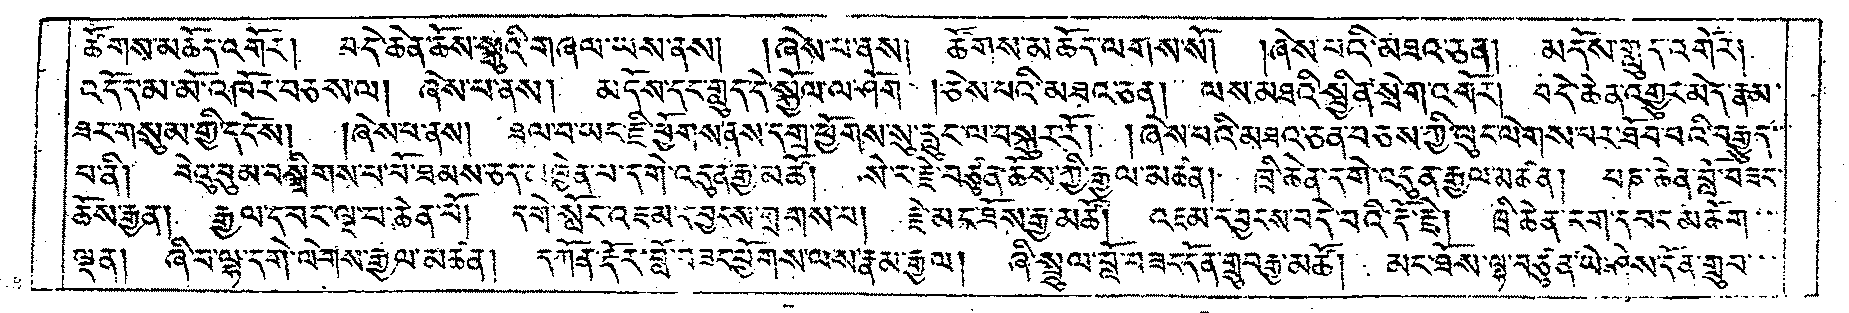ཚོགས་མཆོད་འགོར། བདེ་ཆེན་ཆོས་སྐུའི་གཞལ་ཡས་ནས། །ཞེས་པ་ནས། ཚོགས་མཆོད་ལགས་སོ། །ཞེས་པའི་མཐའ་ཅན། མདོས་གླུད་འགོར།
འདོད་མ་མོ་འཁོར་བཅས་ལ། ཞེས་པ་ནས། མདོས་དང་གླུད་དེ་སྐྱོལ་ལ་ཤོག །ཅེས་པའི་མཐའ་ཅན། ལས་མཐའི་སྦྱིན་སྲེག་འགོར། བདེ་ཆེན་འགྱུར་མེད་རྣམ་
ཐར་གསུམ་གྱི་དངོས། །ཞེས་པ་ནས། ཐལ་བ་ཡང་རྫི་ཕྱོགས་ནས་དགྲ་ཕྱོགས་སུ་རླུང་ལ་བསྐུར་རོ། །ཞེས་པའི་མཐའ་ཅན་བཅས་ཀྱི་ལུང་ལེགས་པར་ཐོབ་པའི་བརྒྱུད་
པ་ནི། བེའུ་བུམ་བསྒྲིགས་པ་པོ་ཐམས་ཅད་མཁྱེན་པ་དགེ་འདུན་རྒྱ་མཚོ། སེ་ར་རྗེ་བཙུན་ཆོས་ཀྱི་རྒྱལ་མཚན། ཁྲི་ཆེན་དགེ་འདུན་རྒྱལ་མཚན། པཎ་ཆེན་བློ་བཟང་
ཆོས་རྒྱན། རྒྱལ་དབང་ལྔ་པ་ཆེན་པོ། དགེ་སློང་འཇམ་དབྱངས་གྲགས་པ། རྗེ་མང་ཐོས་རྒྱ་མཚོ། འཇམ་དབྱངས་བདེ་བའི་རྡོ་རྗེ། ཁྲི་ཆེན་ངག་དབང་མཆོག་
ལྡན། ཞི་བ་ལྷ་དགེ་ལེགས་རྒྱལ་མཚན། དཀོན་རྡོར་བློ་བཟང་ཕྱོགས་ལས་རྣམ་རྒྱལ། ཞི་སྤྲུལ་བློ་བཟང་དོན་གྲུབ་རྒྱ་མཚོ། མང་ཐོས་ལྷ་བཙུན་ཡེ་ཤེས་དོན་གྲུབ་